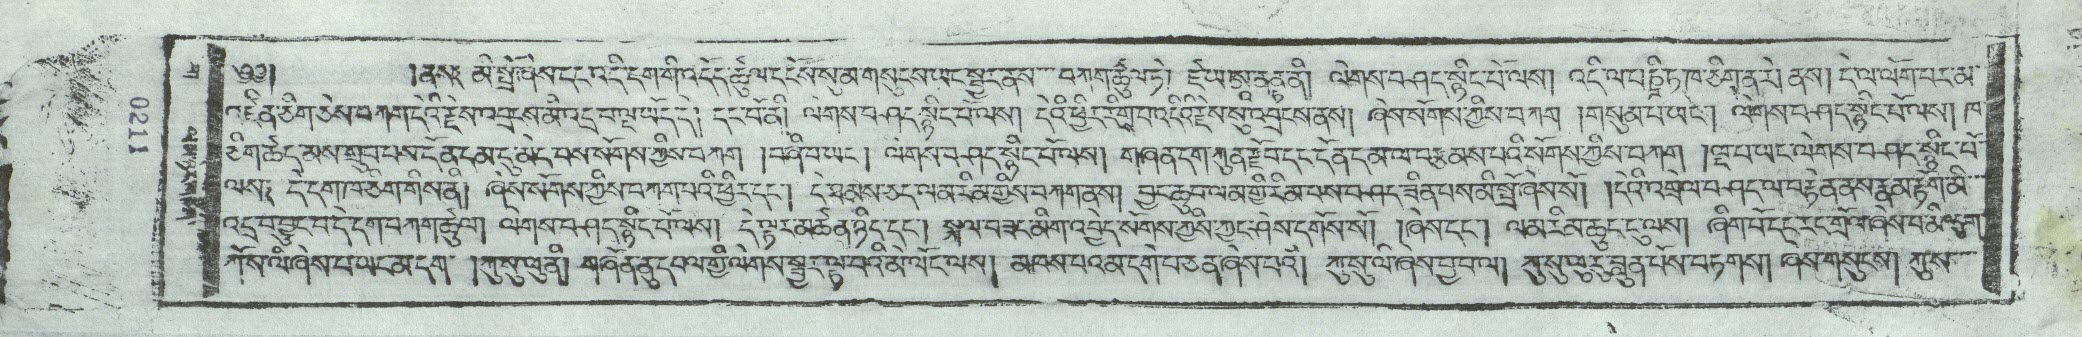༄༅། །ནས༑ མི་སྤྲོ་ཞེས་དང་འདི་དག་གི་འདོད་ཚུལ་དངོས་སུམ་གསུངས་ཡང་སྦྱར་ནས་བཀག་ཚུལ་ཏེ། ཛ་ཡ་ཨཱནནྟ་ནི། ལེགས་བཤད་སྙིང་པོ་ལས། འདི་ལ་པཎྜི་ཏ་ཁ་ཅིག་ན་རེ། ནས། དེ་ལ་ལོག་པར་མ་
འཛིན་ཅིག་ཅེས་བཀག་དེའི་རྗེས་འབྲངས་མི་འདྲ་བ་ལྔ་ཡོད་དེ། དང་པོ་ནི། ལེགས་བཤད་སྙིང་པོ་ལས། དེའི་ཕྱིར་རིགས་པ་འདིའི་རྗེས་སུ་འབྲངས་ནས། ཞེས་སོགས་ཀྱིས་བཀག །གསུམ་པ་ཡང་། ལེགས་བཤད་སྙིང་པོ་ལས། ཁ་
ཅིག་ཆེད་མས་གྲུབ་པས་དོན་དམ་དུ་མེད་པས་སོགས་ཀྱིས་བཀག །བཞི་པ་ཡང་། ལེགས་བཤད་སྙིང་པོ་ལས། གཞན་དག་ཀུན་རྫོབ་དང་དོན་དམ་ལ་བརྩམས་པའི་སོགས་ཀྱིས་བཀག །ལྔ་པ་ཡང་ལེགས་བཤད་སྙིང་པོ་
ལས༑ དེ་དག་ཁ་ཅིག་གིས་ནི། ཞེས་སོགས་ཀྱིས་བཀག་པའི་ཕྱིར་དང་། དེ་ཐམས་ཅད་ལམ་རིམ་གྱིས་བཀག་ནས། བྱང་ཆུབ་ལམ་གྱི་རིམ་པས་བཤད་ཟིན་པས་མི་སྤྲོ་ཞེས་སོ། །དེའི་འགྲེལ་བཤད་ལ་བརྟེན་ནས་རྣམ་རྟོག་མི་
འདྲ་བ་བྱུང་བ་དེ་དག་བཀག་ཚུལ། ལེགས་བཤད་སྙིང་པོ་ལས། དེ་ལྟར་མཚན་ཉིད་དང་། སྐལ་བཟང་མིག་འབྱེད་སོགས་ཀྱིས་ཀྱང་ཤེས་དགོས་སོ། །ཞེས་དང་། ལམ་རིམ་ཆུང་ངུ་ལས། ཞིག་པོ་དང་རང་གྲོལ་ཞེས་པ་མི་འདུག་
ཀོ་ས་ལི་ཞེས་པ་ཡང་མ་དག །ཀུ་སུ་ལུ་ནི། གཞོན་ནུ་དཔལ་གྱི་ལེགས་སྦྱར་ལྟ་བའི་མེ་ལོང་ལས། མཁས་པའམ་དགེ་བ་ཅན་ཞེས་པའི། ཀུ་སུ་ལི་ཞེས་བྱ་བ་ལ། ཀུ་སུ་ལུ་རུ་བླུན་པོས་བཏགས། ཞེས་གསུངས། ཀུ་ས་